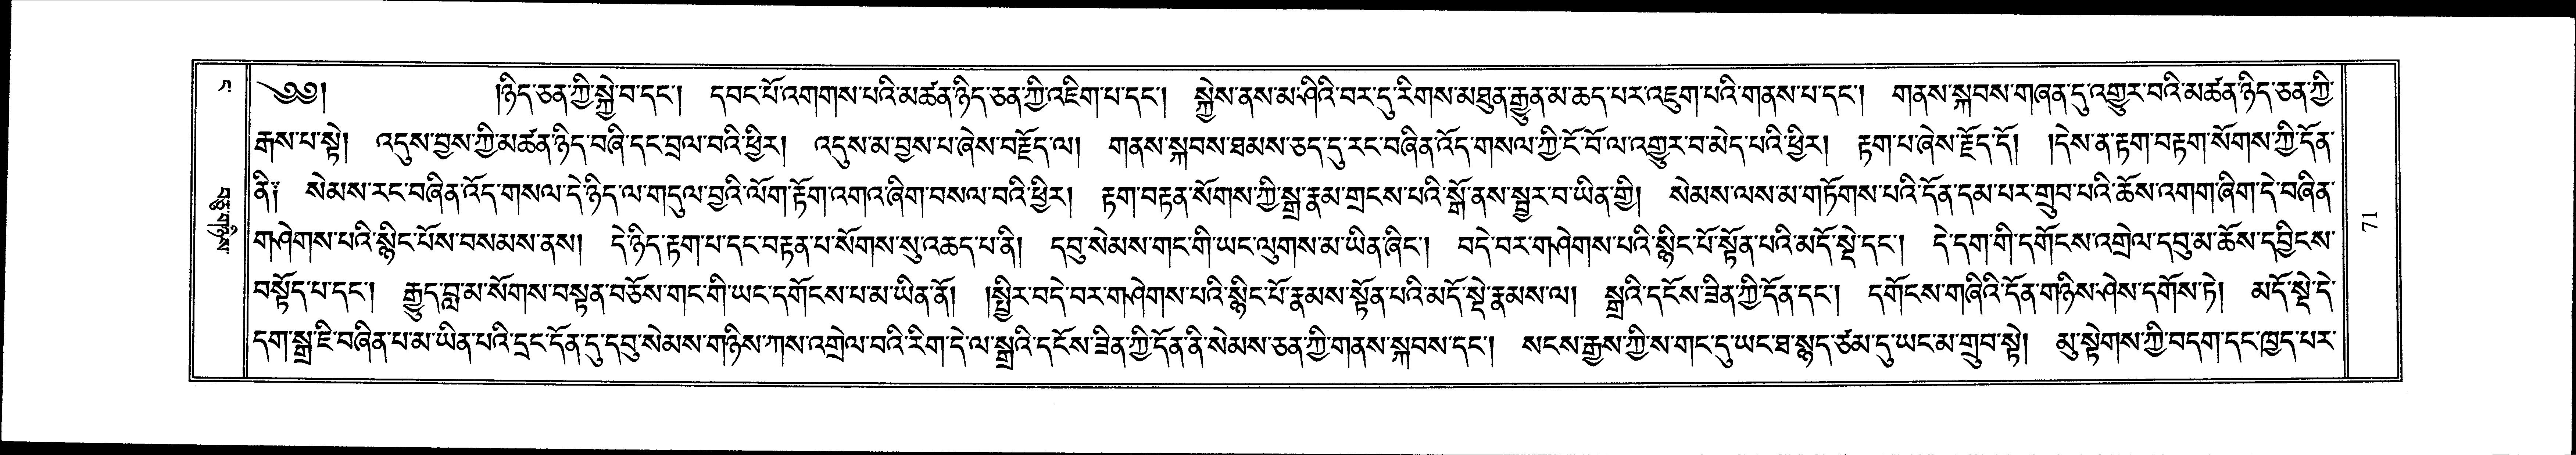༄༅། །ཉིད་ཅན་ཀྱི་སྐྱེ་བ་དང་། དབང་པོ་འགགས་པའི་མཚན་ཉིད་ཅན་ཀྱི་འཇིག་པ་དང་། སྐྱེས་ནས་མ་ཤིའི་བར་དུ་རིགས་མཐུན་རྒྱུན་མ་ཆད་པར་འཇུག་པའི་གནས་པ་དང་། གནས་སྐབས་གཞན་དུ་འགྱུར་བའི་མཚན་ཉིད་ཅན་ཀྱི་
རྒས་པ་སྟེ། འདུས་བྱས་ཀྱི་མཚན་ཉིད་བཞི་དང་བྲལ་བའི་ཕྱིར། འདུས་མ་བྱས་པ་ཞེས་བརྗོད་ལ། གནས་སྐབས་ཐམས་ཅད་དུ་རང་བཞིན་འོད་གསལ་ཀྱི་ངོ་བོ་ལ་འགྱུར་བ་མེད་པའི་ཕྱིར། རྟག་པ་ཞེས་རྗོད་དོ། །དེས་ན་རྟག་བརྟག་སོགས་ཀྱི་དོན་
ནི། སེམས་རང་བཞིན་འོད་གསལ་དེ་ཉིད་ལ་གདུལ་བྱའི་ལོག་རྟོག་འགའ་ཞིག་བསལ་བའི་ཕྱིར། རྟག་བརྟན་སོགས་ཀྱི་སྒྲ་རྣམ་གྲངས་པའི་སྒོ་ནས་སྦྱར་བ་ཡིན་གྱི། སེམས་ལས་མ་གཏོགས་པའི་དོན་དམ་པར་གྲུབ་པའི་ཆོས་འགག་ཞིག་དེ་བཞིན་
གཤེགས་པའི་སྙིང་པོས་བསམས་ནས། དེ་ཉིད་རྟག་པ་དང་བརྟན་པ་སོགས་སུ་འཆད་པ་ནི། དབུ་སེམས་གང་གི་ཡང་ལུགས་མ་ཡིན་ཞིང་། བདེ་བར་གཤེགས་པའི་སྙིང་པོ་སྟོན་པའི་མདོ་སྡེ་དང་། དེ་དག་གི་དགོངས་འགྲེལ་དབུ་མ་ཆོས་དབྱིངས་
བསྟོད་པ་དང་། རྒྱུད་བླ་མ་སོགས་བསྟན་བཅོས་གང་གི་ཡང་དགོངས་པ་མ་ཡིན་ནོ། །སྤྱིར་བདེ་བར་གཤེགས་པའི་སྙིང་པོ་རྣམས་སྟོན་པའི་མདོ་སྡེ་རྣམས་ལ། སྒྲའི་དངོས་ཟིན་ཀྱི་དོན་དང་། དགོངས་གཞིའི་དོན་གཉིས་ཤེས་དགོས་ཏེ། མདོ་སྡེ་དེ་
དག་སྒྲ་ཇི་བཞིན་པ་མ་ཡིན་པའི་དྲང་དོན་དུ་དབུ་སེམས་གཉིས་ཀས་འགྲེལ་བའི་རིག་དེ་ལ་སྒྲའི་དངོས་ཟིན་ཀྱི་དོན་ནི་སེམས་ཅན་ཀྱི་གནས་སྐབས་དང་། སངས་རྒྱས་ཀྱི་ས་གང་དུ་ཡང་ཐ་སྙད་ཙམ་དུ་ཡང་མ་གྲུབ་སྟེ། མུ་སྟེགས་ཀྱི་བདག་དང་ཁྱད་པར་